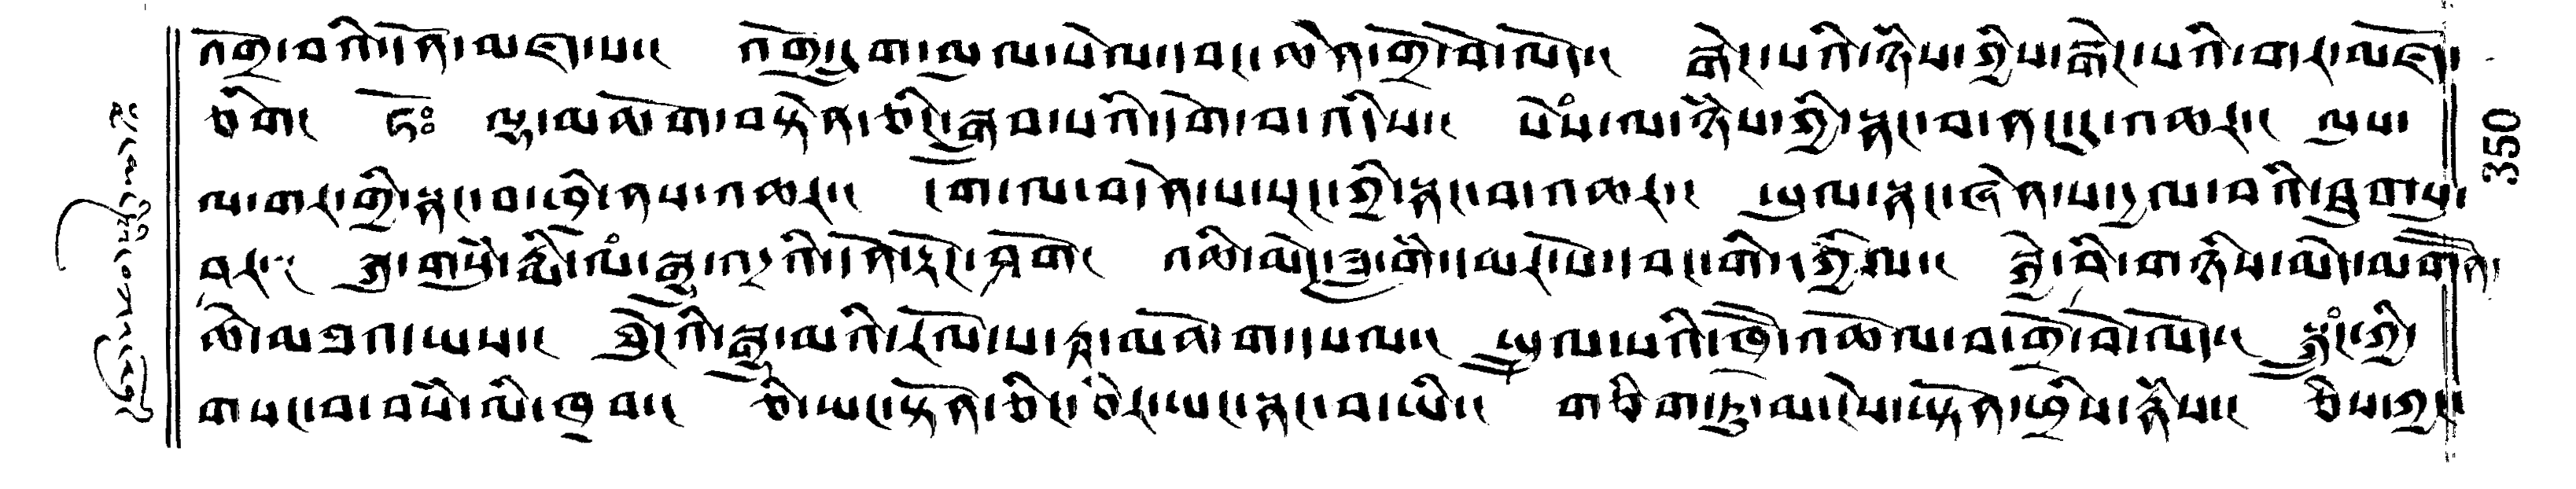འགྲོ་བའི་དོན་མཛད་པ། །འགྲོ་དྲུག་མུན་སེལ་དབང་ཆེན་གྲོ་བོ་ལོད། །སྒེག་པའི་ཉམས་ཀྱིས་སྒེག་པའི་གར་མཛོད་
ཅིག ཧོཿ ལྷ་མཆོག་བསྟེན་ཅིང་སྒྲུབ་པའི་དགེ་བ་འདིས། །སེམས་ལ་ཉམས་ཀྱི་སྣང་བ་ནང་དུ་འཆར། །ལུས་
ལ་གར་གྱི་སྣང་བ་ཕྱི་ནས་འཆར། །ངག་ལ་བདེན་པ་སྔགས་ཀྱི་སྣང་བ་འཆར། །ཡུལ་སྣང་ཞེན་པ་རྒྱལ་བའི་ཐུགས་སུ་
ཤར། །སྐུ་གསུམ་རྨི་ལམ་སྒྱུ་འདྲའི་དོན་རྟོགས་ཤོག །འཆི་མེད་ཟླ་གམ་དམར་པོ་དབང་གི་དཀྱིལ། །སྐྱེ་འཆི་གཉིས་མེད་མགོན་པོ་
ཚེ་མཐའ་ཡས། །ཐུགས་རྗེའི་སྒྱུ་མའི་རོལ་པ་རྟ་མཆོག་དཔལ། །སྤྲུལ་པའི་ཁྲོ་བོ་འཆོལ་བ་གྲོ་བོ་ལོད། །སྐུ་གསུང་ཐུགས་ཀྱི་
གསང་བ་བསམ་མི་ཁྱབ། །ཅིར་ཡང་སྟོན་ཅིང་ཅིར་ཡང་སྣང་བ་ཡི། །གཅིག་ཏུ་མ་ངེས་ཡོན་ཏན་ཕྲིན་ལས་རྣམས། །ཅིས་ཀྱང་